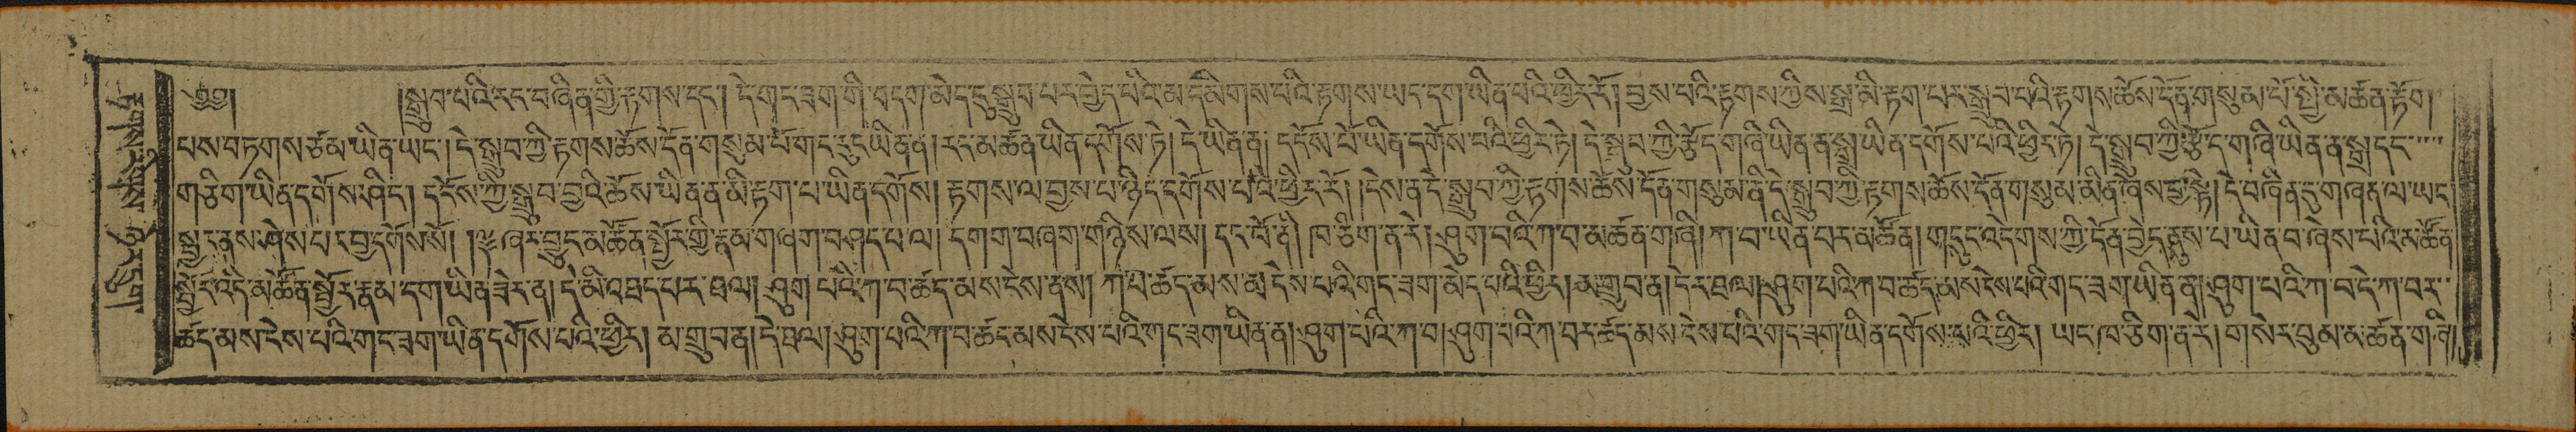༄༅། །སྒྲུབ་པའི་རང་བཞིན་གྱི་རྟགས་དང་། དེ་གང་ཟག་གི་བདག་མེད་དུ་སྒྲུབ་པར་བྱེད་པའི་མ་དམིགས་པའི་རྟགས་ཡང་དག་ཡིན་པའི་ཕྱིར་རོ། བྱས་པའི་རྟགས་ཀྱིས་སྒྲ་མི་རྟག་པར་སྒྲུབ་པའི་རྟགས་ཆོས་དོན་གསུམ་པོ་སྤྱི་མཚན་རྟོག་
པས་བཏགས་ཙམ་ཡིན་ཡང་། དེ་སྒྲུབ་ཀྱི་རྟགས་ཆོས་དོན་གསུམ་པོ་གང་རུང་ཡིན་ན། རང་མཚན་ཡིན་དགོས་ཏེ། དེ་ཡིན་ན། དངོས་པོ་ཡིན་དགོས་པའི་ཕྱིར་ཏེ། དེ་སྒྲུབ་ཀྱི་རྩོད་གཞི་ཡིན་ན་སྒྲ་ཡིན་དགོས་པའི་ཕྱིར་ཏེ། དེ་སྒྲུབ་ཀྱི་རྩོད་གཞི་ཡིན་ན་སྒྲ་དང་
གཅིག་ཡིན་དགོས་ཤིང་། དངོས་ཀྱི་སྒྲུབ་བྱའི་ཆོས་ཡིན་ན་མི་རྟག་པ་ཡིན་དགོས། རྟགས་ལ་བྱས་པ་ཉིད་དགོས་པའི་ཕྱིར་རོ། །དེས་ན་དེ་སྒྲུབ་ཀྱི་རྟགས་ཆོས་དོན་གསུམ་ནི་དེ་སྒྲུབ་ཀྱི་རྟགས་ཆོས་དོན་གསུམ་མིན་ཞེས་བྱ་སྟེ། དེ་བཞིན་དུ་གཞན་ལ་ཡང་
སྦྱར་ནས་ཤེས་པར་བྱ་དགོས་སོ། །༈ ཞར་བྱུང་མཚོན་སྦྱོར་གྱི་རྣམ་གཞག་བཤད་པ་ལ། དགག་བཞག་གཉིས་ལས། དང་པོ་ནི། ཁ་ཅིག་ན་རེ། ཤུག་པའི་ཀ་བ་མཚན་གཞི། ཀ་བ་ཡིན་པར་མཚོན། གདུང་འདེགས་ཀྱི་དོན་བྱེད་ནུས་པ་ཡིན་པ་ཞེས་པའི་མཚོན་
སྦྱོར་འདི་མཚོན་སྦྱོར་རྣམ་དག་ཡིན་ཟེར་ན། དེ་མི་འཐད་པར་ཐལ། ཤུག་པའི་ཀ་བ་ཚད་མས་ངེས་ནས། ཀ་བ་ཚད་མས་མ་ངེས་པའི་གང་ཟག་མེད་པའི་ཕྱིར། མ་གྲུབ་ན། དེར་ཐལ། ཤུག་པའི་ཀ་བ་ཚད་མས་ངེས་པའི་གང་ཟག་ཡིན་ན། ཤུག་པའི་ཀ་བ་དེ་ཀ་བར་
ཚད་མས་ངེས་པའི་གང་ཟག་ཡིན་དགོས་པའི་ཕྱིར། མ་གྲུབ་ན། དེ་ཐལ། ཤུག་པའི་ཀ་བ་ཚད་མས་ངེས་པའི་གང་ཟག་ཡིན་ན། ཤུག་པའི་ཀ་བ། ཤུག་པའི་ཀ་བར་ཚད་མས་ངེས་པའི་གང་ཟག་ཡིན་དགོས་པའི་ཕྱིར། ཡང་ཁ་ཅིག་ན་རེ། གསེར་བུམ་མཚན་གཞི་